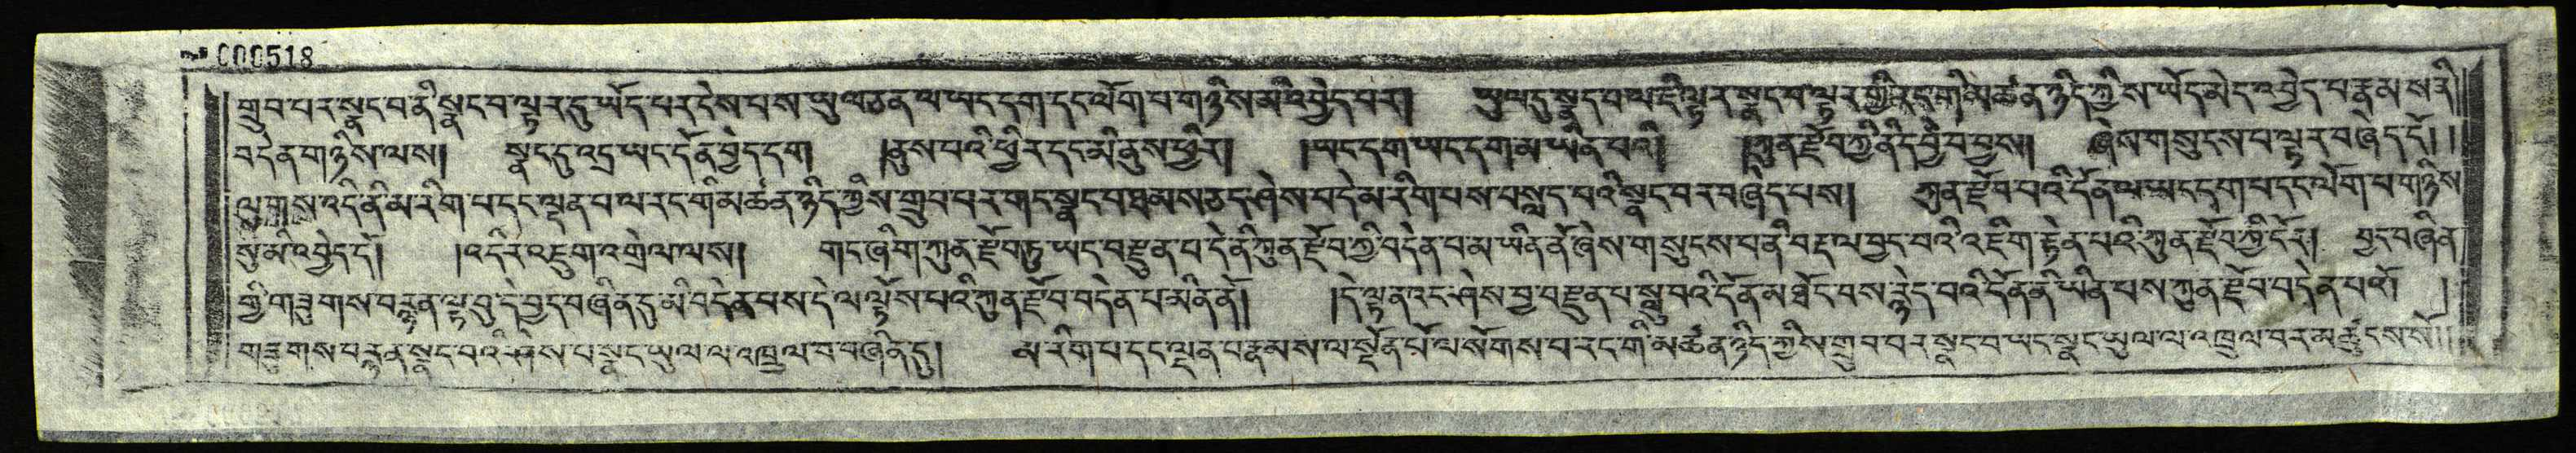གྲུབ་པར་སྣང་བ་ནི་སྣང་བ་ལྟར་དུ་ཡོད་པར་ངེས་པས་ཡུལ་ཅན་ལ་ཡང་དག་དང་ལོག་པ་གཉིས་མི་འབྱེད་པར། ཡུལ་དུ་སྣང་བ་ལ་ཇི་ལྟར་སྣང་བ་ལྟར་གྱི་རང་གི་མཚན་ཉིད་ཀྱིས་ཡོད་མེད་འབྱེད་པ་རྣམས་ནི།
བདེན་གཉིས་ལས། སྣང་དུ་འདྲ་ཡང་དོན་བྱེད་དག །ནུས་པའི་ཕྱིར་དང་མི་ནུས་ཕྱིར། །ཡང་དག་ཡང་དག་མ་ཡིན་པའི། །ཀུན་རྫོབ་ཀྱི་ནི་དབྱེ་བ་བྱས། ཞེས་གསུངས་པ་ལྟར་བཞེད་དོ།།
ལུགས་འདི་ནི་མ་རིག་པ་དང་ལྡན་པ་ལ་རང་གི་མཚན་ཉིད་ཀྱིས་གྲུབ་པར་གང་སྣང་བ་ཐམས་ཅད་ཤེས་པ་དེ་མ་རིག་པས་བསླད་པའི་སྣང་བར་བཞེད་པས། ཀུན་རྫོབ་པའི་དོན་ལ་ཡང་དག་པ་དང་ལོག་པ་གཉིས་
སུ་མི་འབྱེད་དོ། །འདིར་འཇུག་འགྲེལ་ལས། གང་ཞིག་ཀུན་རྫོབ་ཏུ་ཡང་བརྫུན་པ་དེ་ནི་ཀུན་རྫོབ་ཀྱི་བདེན་པ་མ་ཡིན་ནོ་ཞེས་གསུངས་པ་ནི་བརྡལ་བྱང་བའི་འཇིག་རྟེན་པའི་ཀུན་རྫོབ་ཀྱི་ངོར། བྱང་བཞིན་
གྱི་གཟུགས་བརྙན་ལྟ་བུ་དེ་བྱད་བཞིན་དུ་མི་བདེན་པས་དེ་ལ་ལྟོས་པའི་ཀུན་རྫོབ་བདེན་པ་མིན་ནོ། །དེ་ལྟ་ན་འང་ཤེས་བྱ་བརྫུན་པ་སླུ་བའི་དོན་མཐོང་བས་རྙེད་པའི་དོན་ནི་ཡིན་པས་ཀུན་རྫོབ་བདེན་པའོ། །
གཟུགས་བརྙན་སྣང་བའི་ཤེས་པ་སྣང་ཡུལ་ལ་འཁྲུལ་བ་བཞིན་དུ། མ་རིག་པ་དང་ལྡན་པ་རྣམས་ལ་སྔོན་པོ་ལ་སོགས་པ་རང་གི་མཚན་ཉིད་ཀྱིས་གྲུབ་པར་སྣང་བ་ཡང་སྣང་ཡུལ་ལ་འཁྲུལ་བར་མཚུངས་སོ།།